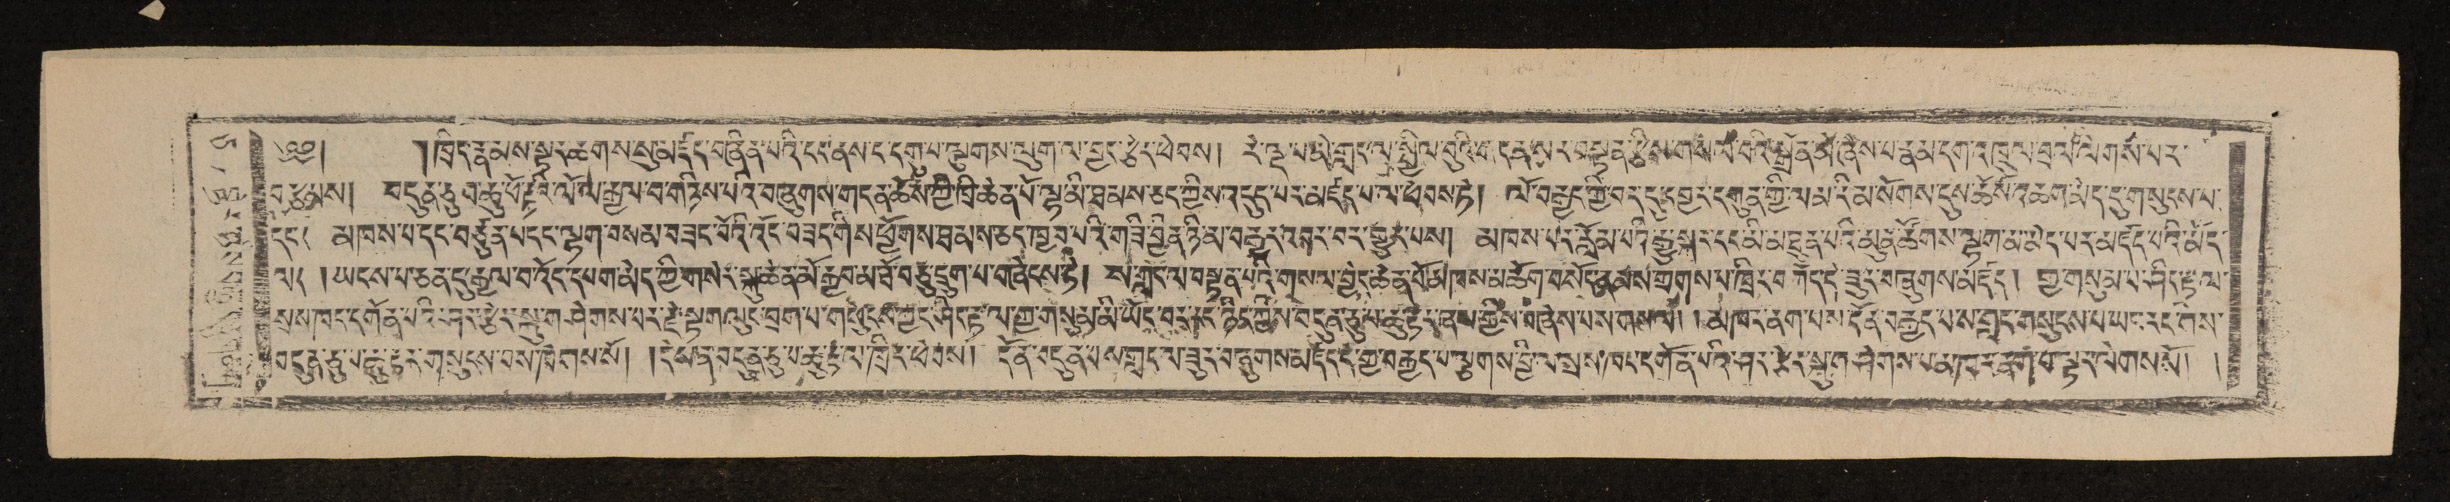༄༅། །ཁྲིད་རྣམས་སྟར་ཆགས་སུ་མཛད་བཞིན་པའི་དང་ནས་ང་དགུ་པ་ལྕགས་ལུག་ལ་བྱང་རྩེར་ཕེབས། རེ་ལྔ་པ་མེ་གླང་ལ་སྤྱིལ་བུའི་གདན་སར་བསྟན་རྩིས་གསལ་བའི་སྒྲོན་མེ་ཞེས་པ་རྣམ་དག་འཁྲུལ་བྲལ་ལེགས་པར་
བརྩམས། བདུན་ཅུ་པ་ཆུ་ཕོ་རྟའི་ལོ་ལ་རྒྱལ་བ་གཉིས་པའི་བཞུགས་གདན་ཆོས་ཀྱི་ཁྲི་ཆེན་པོ་ལྷ་མི་ཐམས་ཅད་ཀྱིས་འདུད་པར་མཛད་པ་ལ་ཕེབས་ཏེ། ལོ་བརྒྱད་ཀྱི་བར་དུ་དབྱར་དགུན་གྱི་ལམ་རིམ་སོགས་དུས་ཆོས་འཆག་མེད་དུ་གསུངས་པ་
དང༑ མཁས་པ་དང་བཙུན་པ་དང་ལྷག་བསམ་བཟང་པོའི་འོད་བཟང་གིས་ཕྱོགས་ཐམས་ཅད་ཁྱབ་པའི་གཟི་བྱིན་ཉི་མ་བརྒྱར་འབར་བར་གྱུར་པས། མཁས་པར་རློམ་པའི་རྒྱུ་སྐར་དང་མི་མཐུན་པའི་མུན་ཚོགས་ལྷག་མ་མེད་པར་མཛད་པའི་མོད་
ལ༑ ཡངས་པ་ཅན་དུ་རྒྱལ་བ་འོད་དཔག་མེད་ཀྱི་གསེར་སྐུ་ཆེན་མོ་རྒྱབ་མཐོ་བཅུ་དྲུག་པ་བཞེངས་ཏེ། ས་གླང་ལ་བསྟན་པའི་གསལ་བྱེད་ཆེན་པོ་མཁས་མཆོག་བསོད་ནམས་གྲགས་པ་ཁྲིར་བཀོད་དེ་ཟུར་བཞུགས་མཛད། གྱ་གསུམ་པ་ཤིང་རྟ་ལ་
སྲས་ཁང་དགོན་པའི་ཤར་རྩེར་སྐུ་གཤེགས་པར་རྗེ་སྟག་ལུང་བྲག་པ་གསུང་ཀྱང་ཤིང་རྟ་ལ་གྱ་གསུམ་མི་ཡོང་བར་རང་ཉིད་ཀྱིས་བདུན་ཅུ་པ་ཆུ་རྟར་ཞལ་གྱིས་བཞེས་པས་གསལ། མཁར་ནག་པས་དོན་བརྒྱད་པས་གླང་གསུངས་པ་ཡང་རང་གིས་
བདུན་ཅུ་པ་ཆུ་རྟར་གསུངས་པས་ཁེགས་སོ། །དེས་ན་བདུན་ཅུ་པ་ཆུ་རྟ་ལ་ཁྲིར་ཕེབས། དོན་བདུན་པས་གླང་ལ་ཟུར་བཞུགས་མཛད་དེ་གྱ་བརྒྱད་པ་ལྕགས་ཕྱི་ལ་སྲས་ཁང་དགོན་པའི་ཤར་རྩེར་སྐུ་གཤེགས་པ་མཁར་ནག་པ་ལྟར་ལེགས་སོ། །